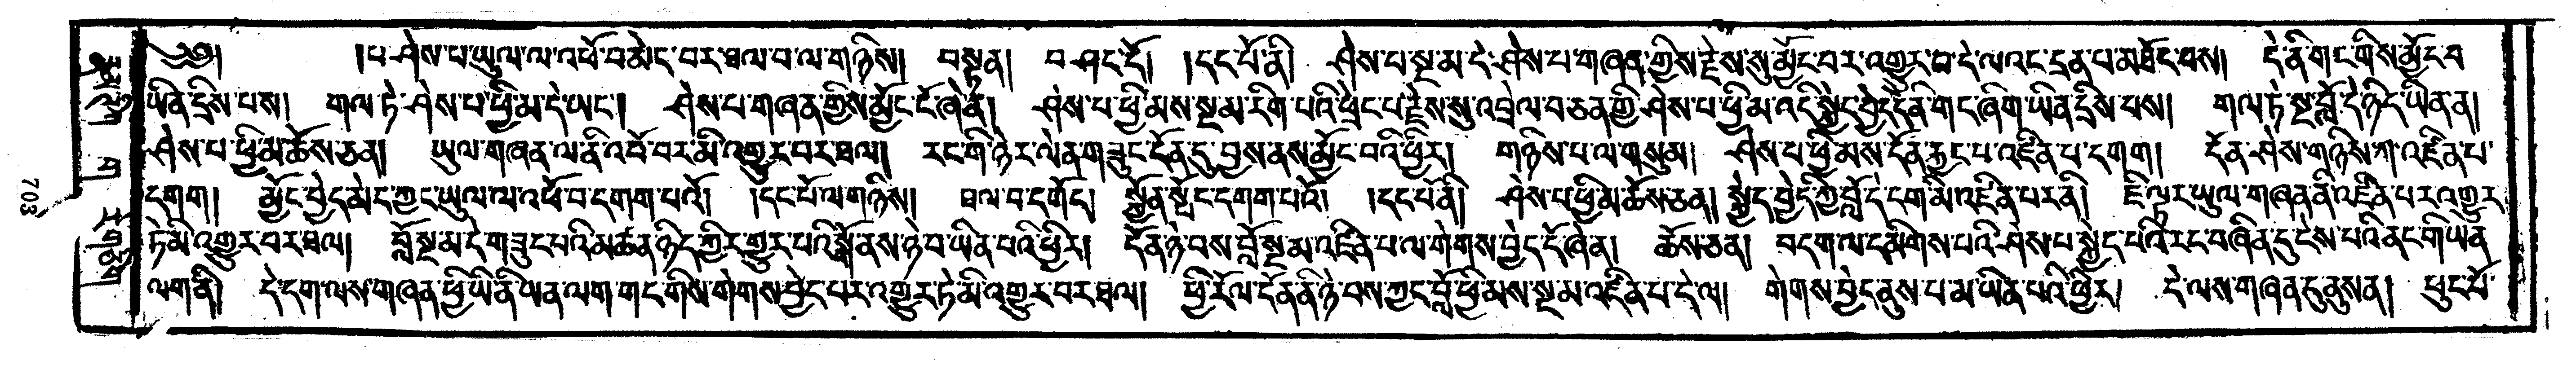༄༅། །པ་ཤེས་པ་ཡུལ་ལ་འཕོ་བ་མེད་བར་ཐལ་བ་ལ་གཉིས། བསྟན། བཤད་དོ། །དང་པོ་ནི། ཤེས་པ་སྔ་མ་དེ་ཤེས་པ་གཞན་གྱིས་རྗེས་སུ་མྱོང་བར་འགྱུར་བ་དེ་ལའང་དྲན་བ་མཐོང་བས། དེ་ནི་གང་གིས་མྱོང་བ་
ཡིན་དྲིས་པས། གལ་ཏེ་ཤེས་པ་ཕྱི་མ་དེ་ཡང་། ཤེས་པ་གཞན་གྱིས་མྱོང་ངོ་ཞེ་ན། ཤེས་པ་ཕྱི་མས་སྔ་མ་རིག་པའི་ཕྲེང་པ་རྗེས་སུ་འབྲེལ་བ་ཅན་གྱི་ཤེས་པ་ཕྱི་མ་འདི་སྐྱེད་བྱེད་དེ་ནི་གང་ཞིག་ཡིན་དྲིས་པས། གལ་ཏེ་སྔ་བློ་དེ་ཉིད་ཡིན་ན།
ཤེས་པ་ཕྱི་མ་ཆོས་ཅན། ཡུལ་གཞན་ལ་ནི་འབོ་བར་མི་འགྱུར་བར་ཐལ། རང་གི་ཉེར་ལེན་གཟུང་དོན་དུ་བྱས་ནས་མྱོང་བའི་ཕྱིར། གཉིས་པ་ལ་གསུམ། ཤེས་པ་ཕྱི་མས་དོན་རྐྱང་པ་འཛིན་པ་དགག། དོན་ཤེས་གཉིས་ཀ་འཛིན་པ་
དགག། མྱོང་བྱེད་མེད་ཀྱང་ཡུལ་ལ་འཕོ་བ་དགག་པའོ། །དང་པོ་ལ་གཉིས། ཐལ་བ་དགོད། སྐྱོན་སྤོང་དགག་པའོ། །དང་པོ་ནི། ཤེས་པ་ཕྱི་མ་ཆོས་ཅན། སྐྱེད་བྱེད་ཀྱི་བློ་དེ་དག་མི་འཛིན་པར་ནི། ཇི་ལྟར་ཡུལ་གཞན་ནི་འཛིན་པར་འགྱུར་
ཏེ་མི་འགྱུར་བར་ཐལ། བློ་སྔ་མ་དེ་གཟུང་པའི་མཚན་ཉིད་ཀྱིར་གྱུར་པའི་སྒོ་ནས་ཉེ་བ་ཡིན་པའི་ཕྱིར། དོན་ཉེ་བས་བློ་སྔ་མ་འཛིན་པ་ལ་གེགས་བྱེད་དོ་ཞེ་ན། ཆོས་ཅན། བདག་ལ་དམིགས་པའི་ཤེས་པ་སྐྱེད་པའི་རང་བཞིན་དུ་ངེས་པའི་ནང་གི་ཡིན་
ལག་ནི། དེ་དག་ལས་གཞན་ཕྱི་ཡི་ནི་ཡན་ལག་གང་གིས་གེགས་བྱེད་པར་འགྱུར་ཏེ་མི་འགྱུར་བར་ཐལ། ཕྱི་རོལ་དོན་ནི་ཉེ་བས་ཀྱང་བློ་ཕྱི་མས་སྔ་མ་འཛིན་པ་དེ་ལ། གེགས་བྱེད་ནུས་པ་མ་ཡིན་པའི་ཕྱིར། དེ་ལས་གཞན་དུ་ནུས་ན། ཕུང་པོ་